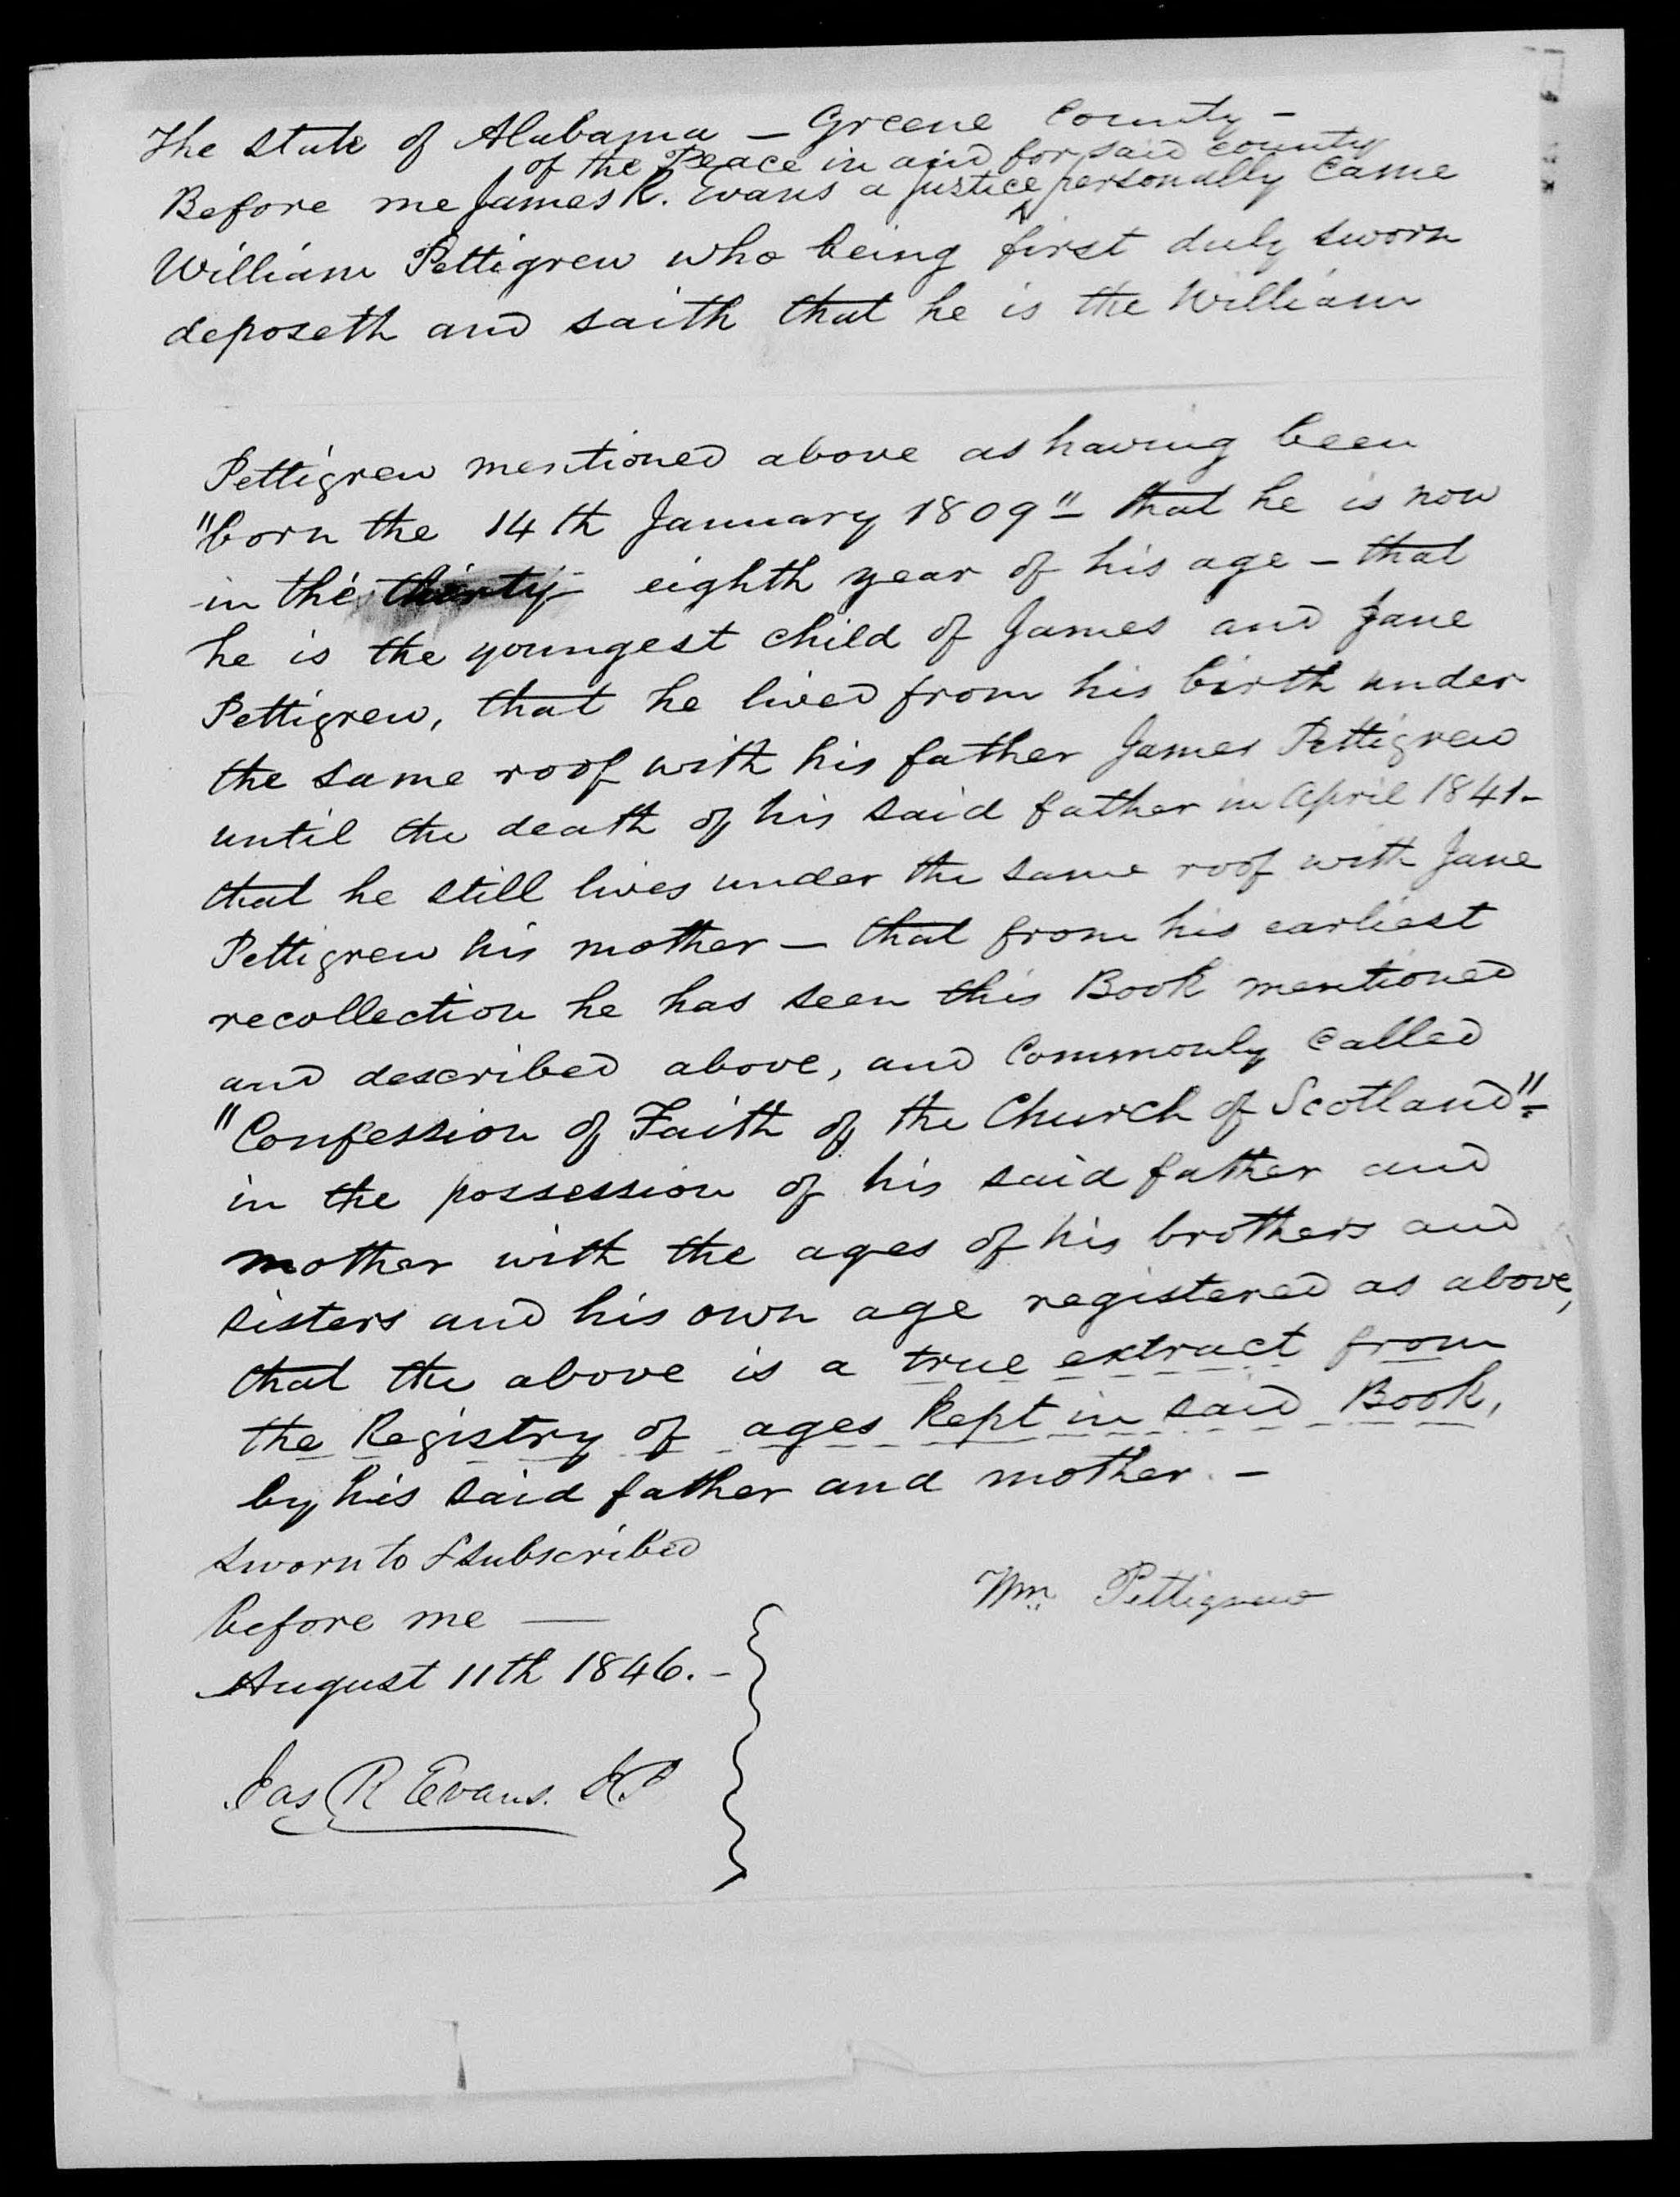The state of Alabama-Greene County-of the peace in and for said county
Before me James K. Evans a justice personally came William Pettigrew who being first duly sworn deposeth and saith that he is the William 

Pettigrew mentioned above as having been "born the 14th January 1809" that he is now in the thirty eighth year of his age-that he is the youngest child of James and Jane Pettigrew, that he lived from his birth under the same took with his father James Pettigrew until the death of his said father in April 1841 Check he still lives under the same roof with Jane Pettigrew his mother-that from his earliest recollection he has seen this Book mentioned and described above, and commonly called "Confession of Faith of the Church of Scotland"-in the possession of his said father and mother with the ages of his brothers and sisters and his own age registered as above Check the above is a true extract from the Registry of ages kept in said Book, by his said father and mother -

Sworn and subscribed
before me -
August 11th 1846.-
Jas R Evans. HJ

Mr. Pettigrew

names: Jas R Evans; William Pettigrew; James R Evans; Wm Pettigrew; James Pettigrew; Jane Pettigrew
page: 7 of 92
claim: widow's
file: W. 5522, for James Pettigrew, South Carolina